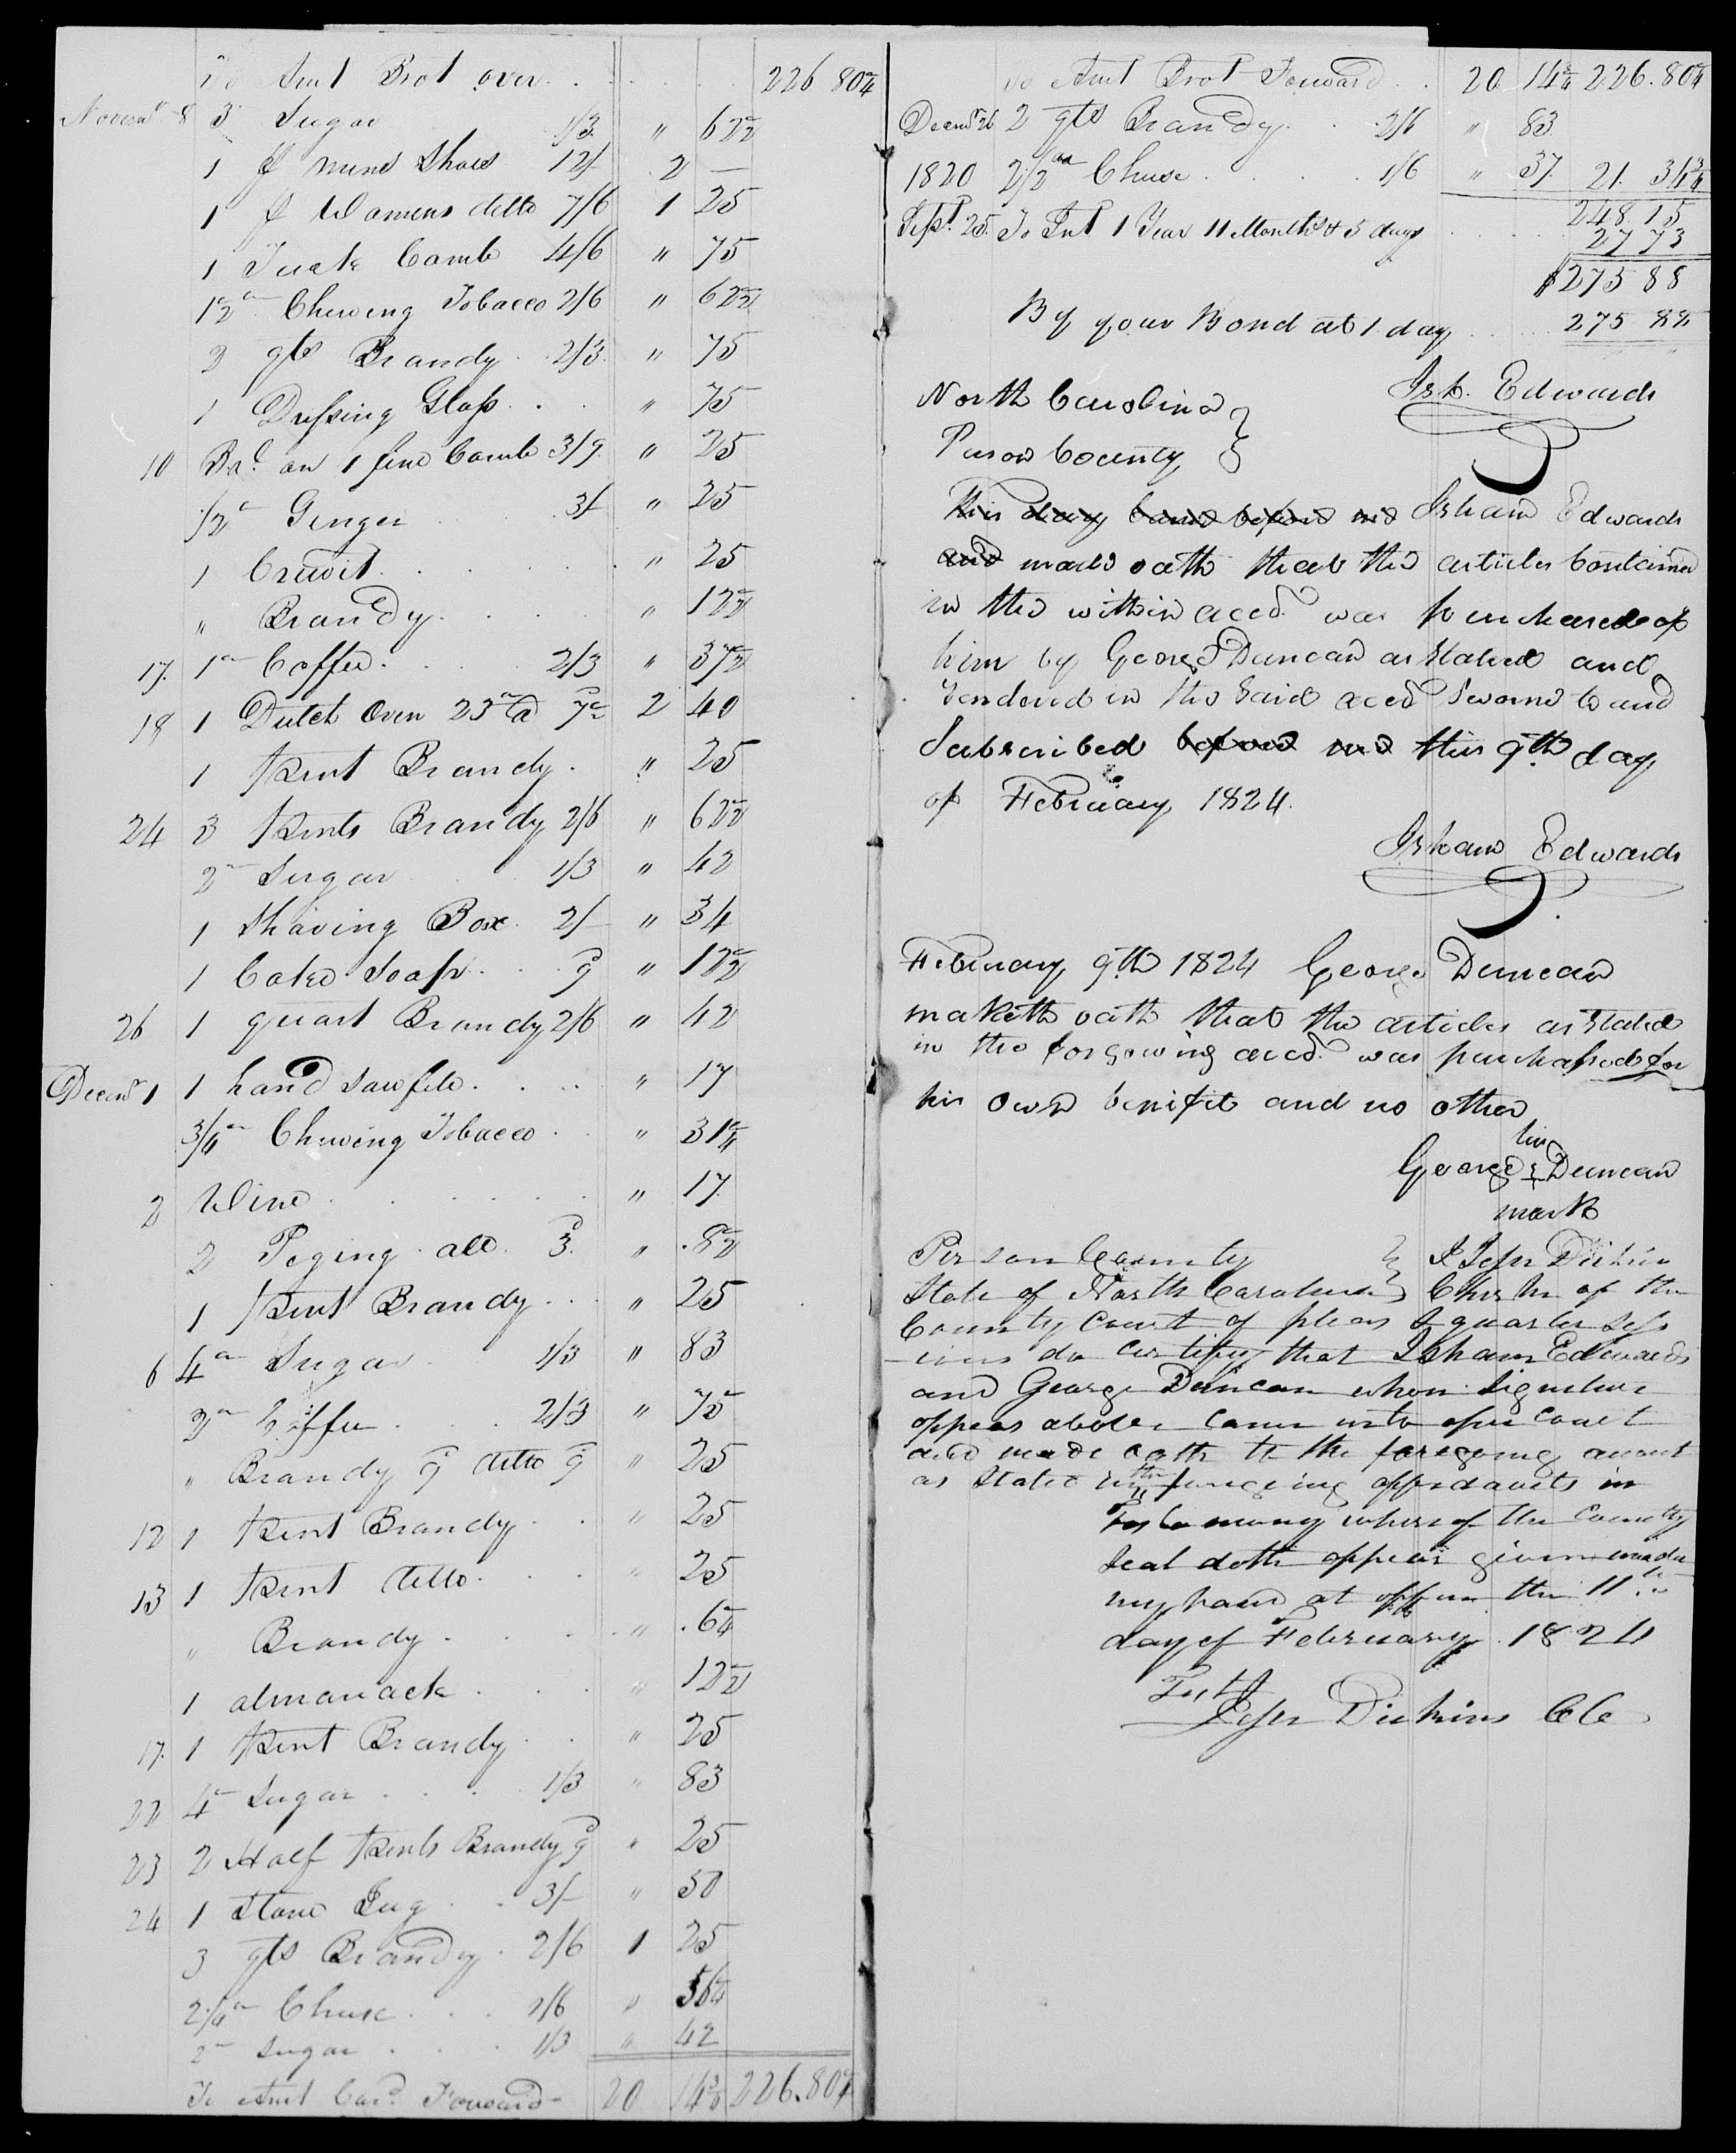[illegible] [illegible] [illegible] over.......226 80a4 [illegible] 3 Sugar 1/3 | " | 6[illegible] | 1 pr nuns shoes 12/ | 2 | - | 1 pr Womens ditto 7/6 | 1 | 25 | 1 Tuale Camb 4/6 | " | 75 | 1aa2 Chewing Tobacco 2/6 | " | 62[illegible] | [illegible] qts Brandy 2/3 | " 
| 75 | 1 Drifsing Glap | " | 75 |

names: George Duncan, George Duncan, Jesse Dickins, Jesse Dickins, George Duncan, Isham Edwards, Isham Edwards, Isham Edwards, Ish Edwards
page: 30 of 49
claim: survivor's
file: S. 41513, George Duncan, N.C.